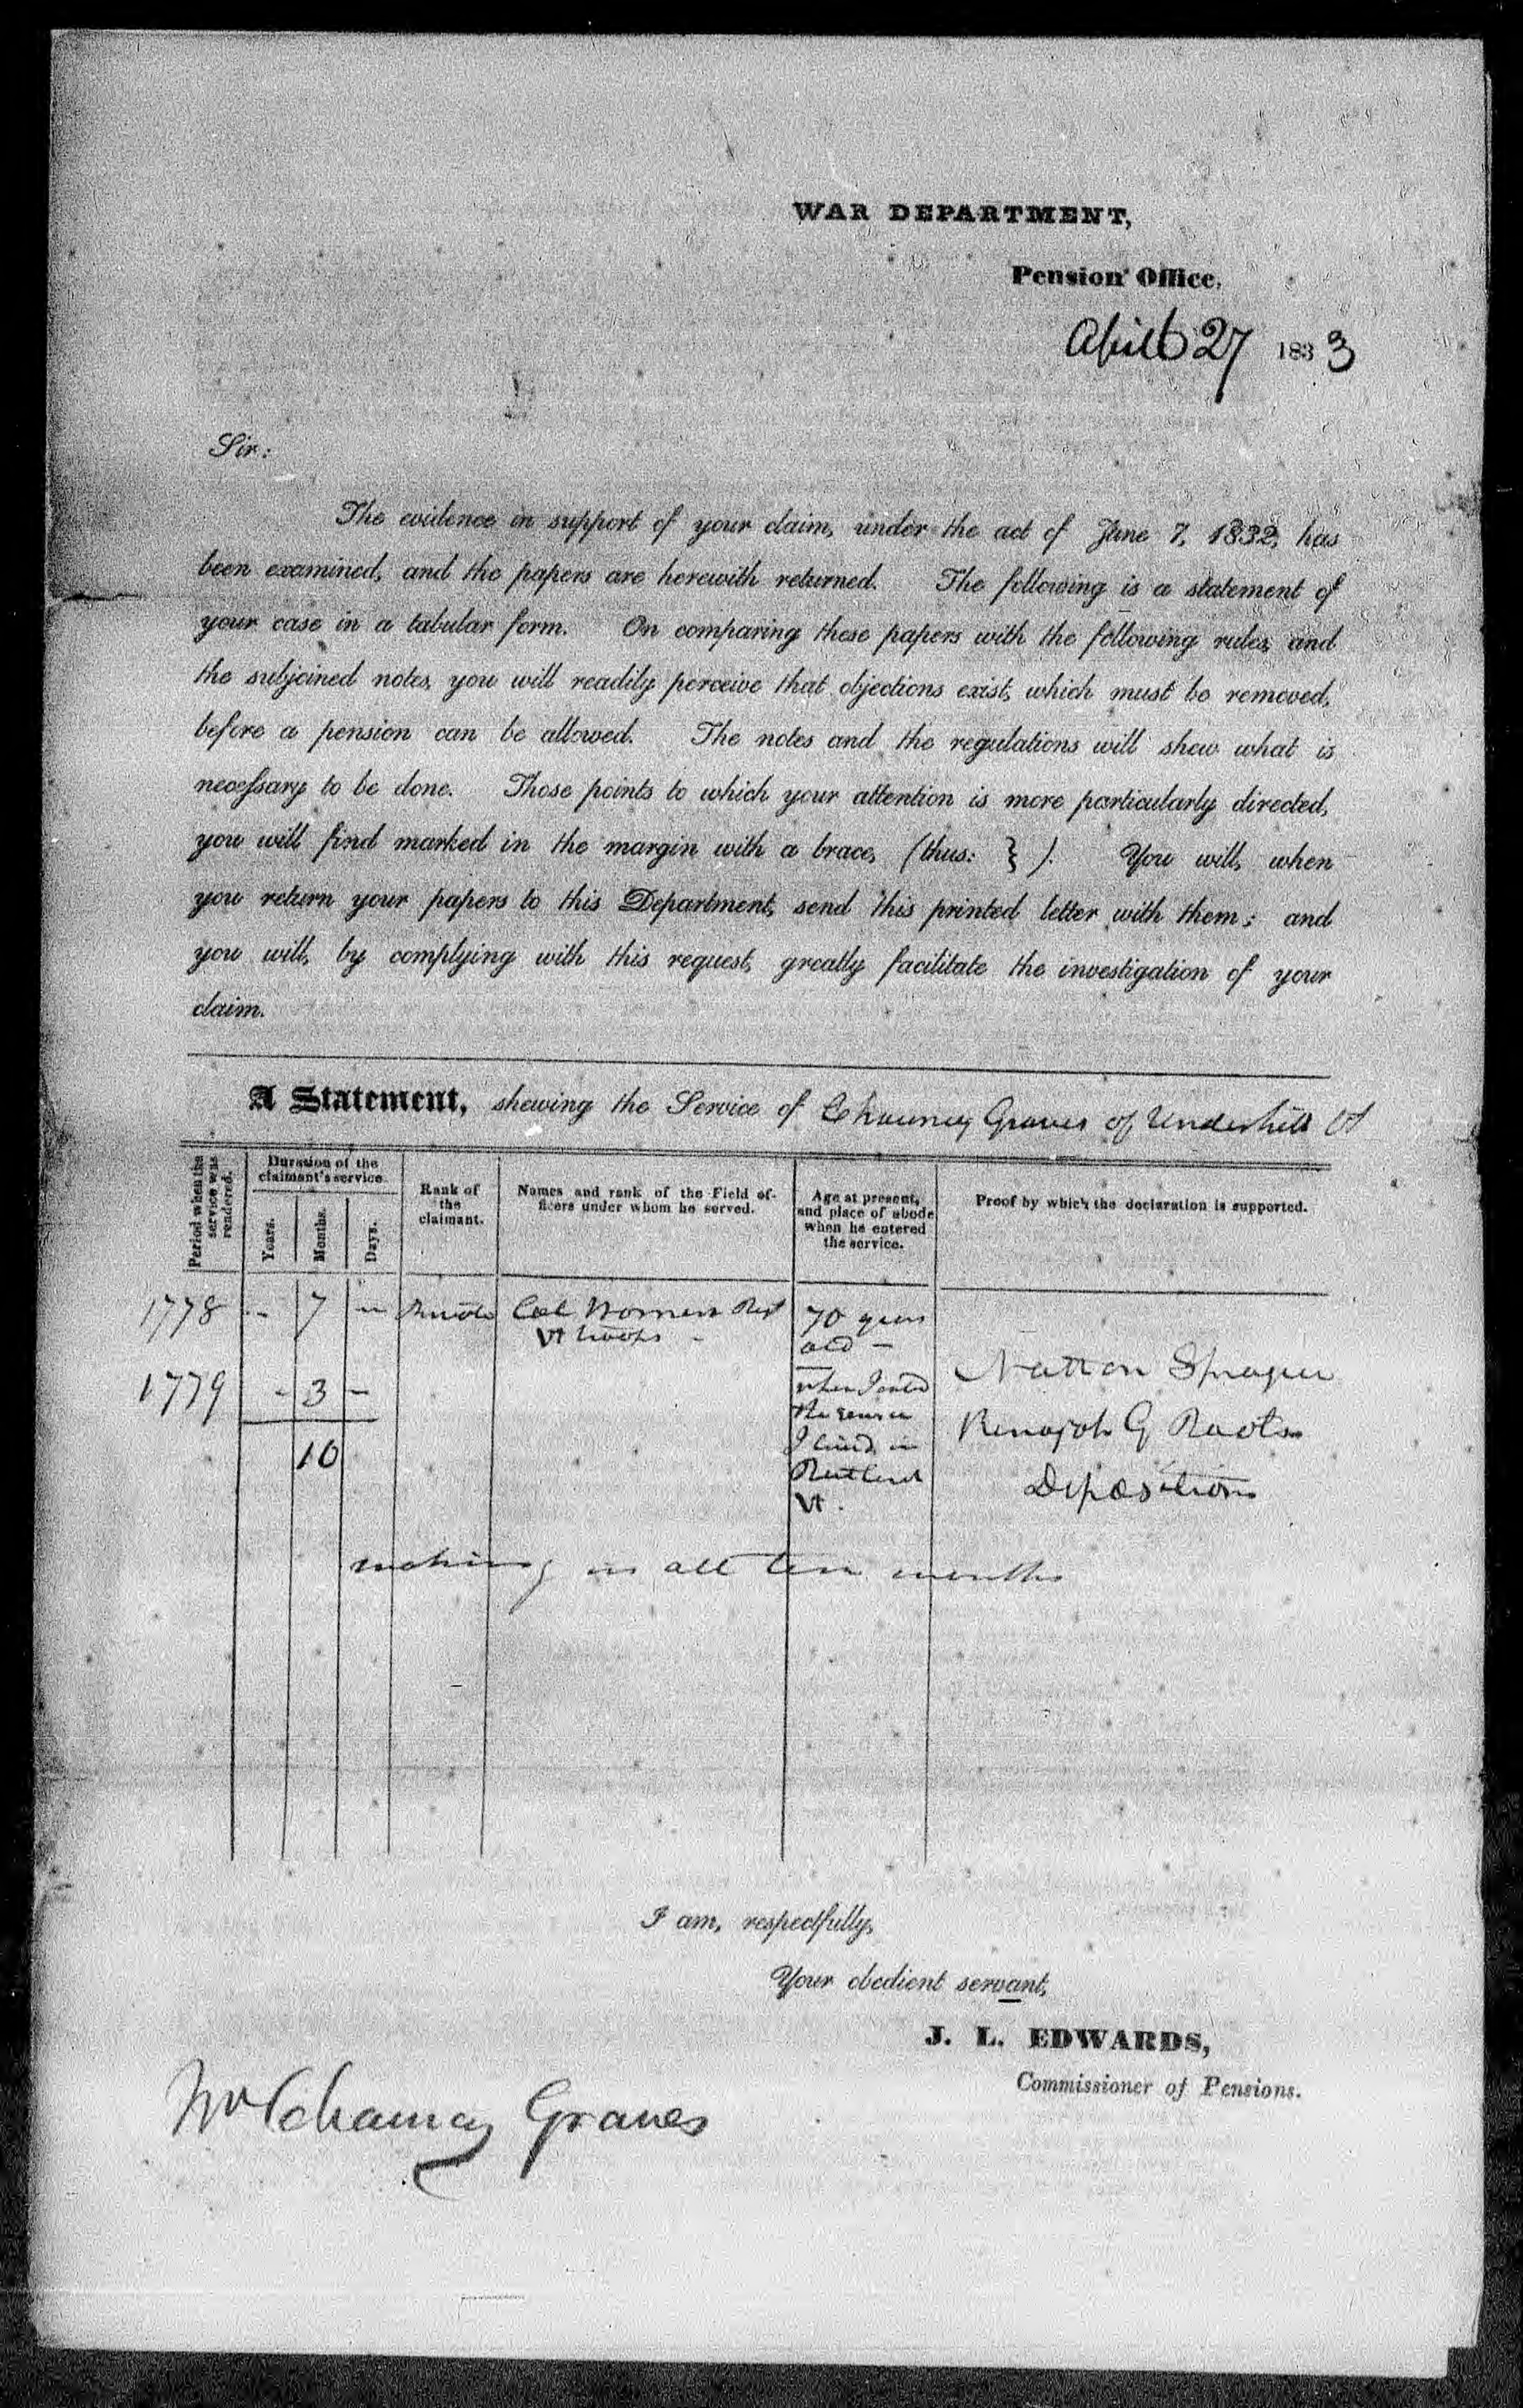War Department
Pension Office
April 27 1833

The evidence in support of your claim, under the act of June 7,1832, has been examined and the papers are herewith returned.  The following is a statement of your case in tabular form.  On comparing these papers with the following rules, and the subjoined notes you will readily perceive that objections exist, which must be removed before a pension can be allowed.  The notes and regulations will show what is necessary to be done.  Those points to which your attention is more particularly directed, you will find marked in the margins with braces (thus).  You will, when you return your papers to this Department send this printed letter with them and you will, by complying with this request, greatly facilitate the investigation of your claim.

A Statement showing the Service of Chauncey Graves of Underhill, Vt

Period when service was rendered  
1778  - 7 months
1779  - 3 months
 total    10     

Making in all 10 months       

Private, Col Warners Regt Vt ?. 
Age at present  70 years old -  when I enlisted the service I lived in Rutland, Vt  
Proof by which the declaration is supported.
Nathan Sprague
Benajah G. Roots
Dispositions

I am, respectfully,
Your obedient servant
J. L. Edwards
Commissioner of Pensions

? Chauncey Graves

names: Chauncy Graves, Benajah G Roots, J L Edwards, Chauncy Graves, Nathan Sprague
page: 6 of 24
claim: survivor's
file: S. 15869, Chauncey Graves, Vt.